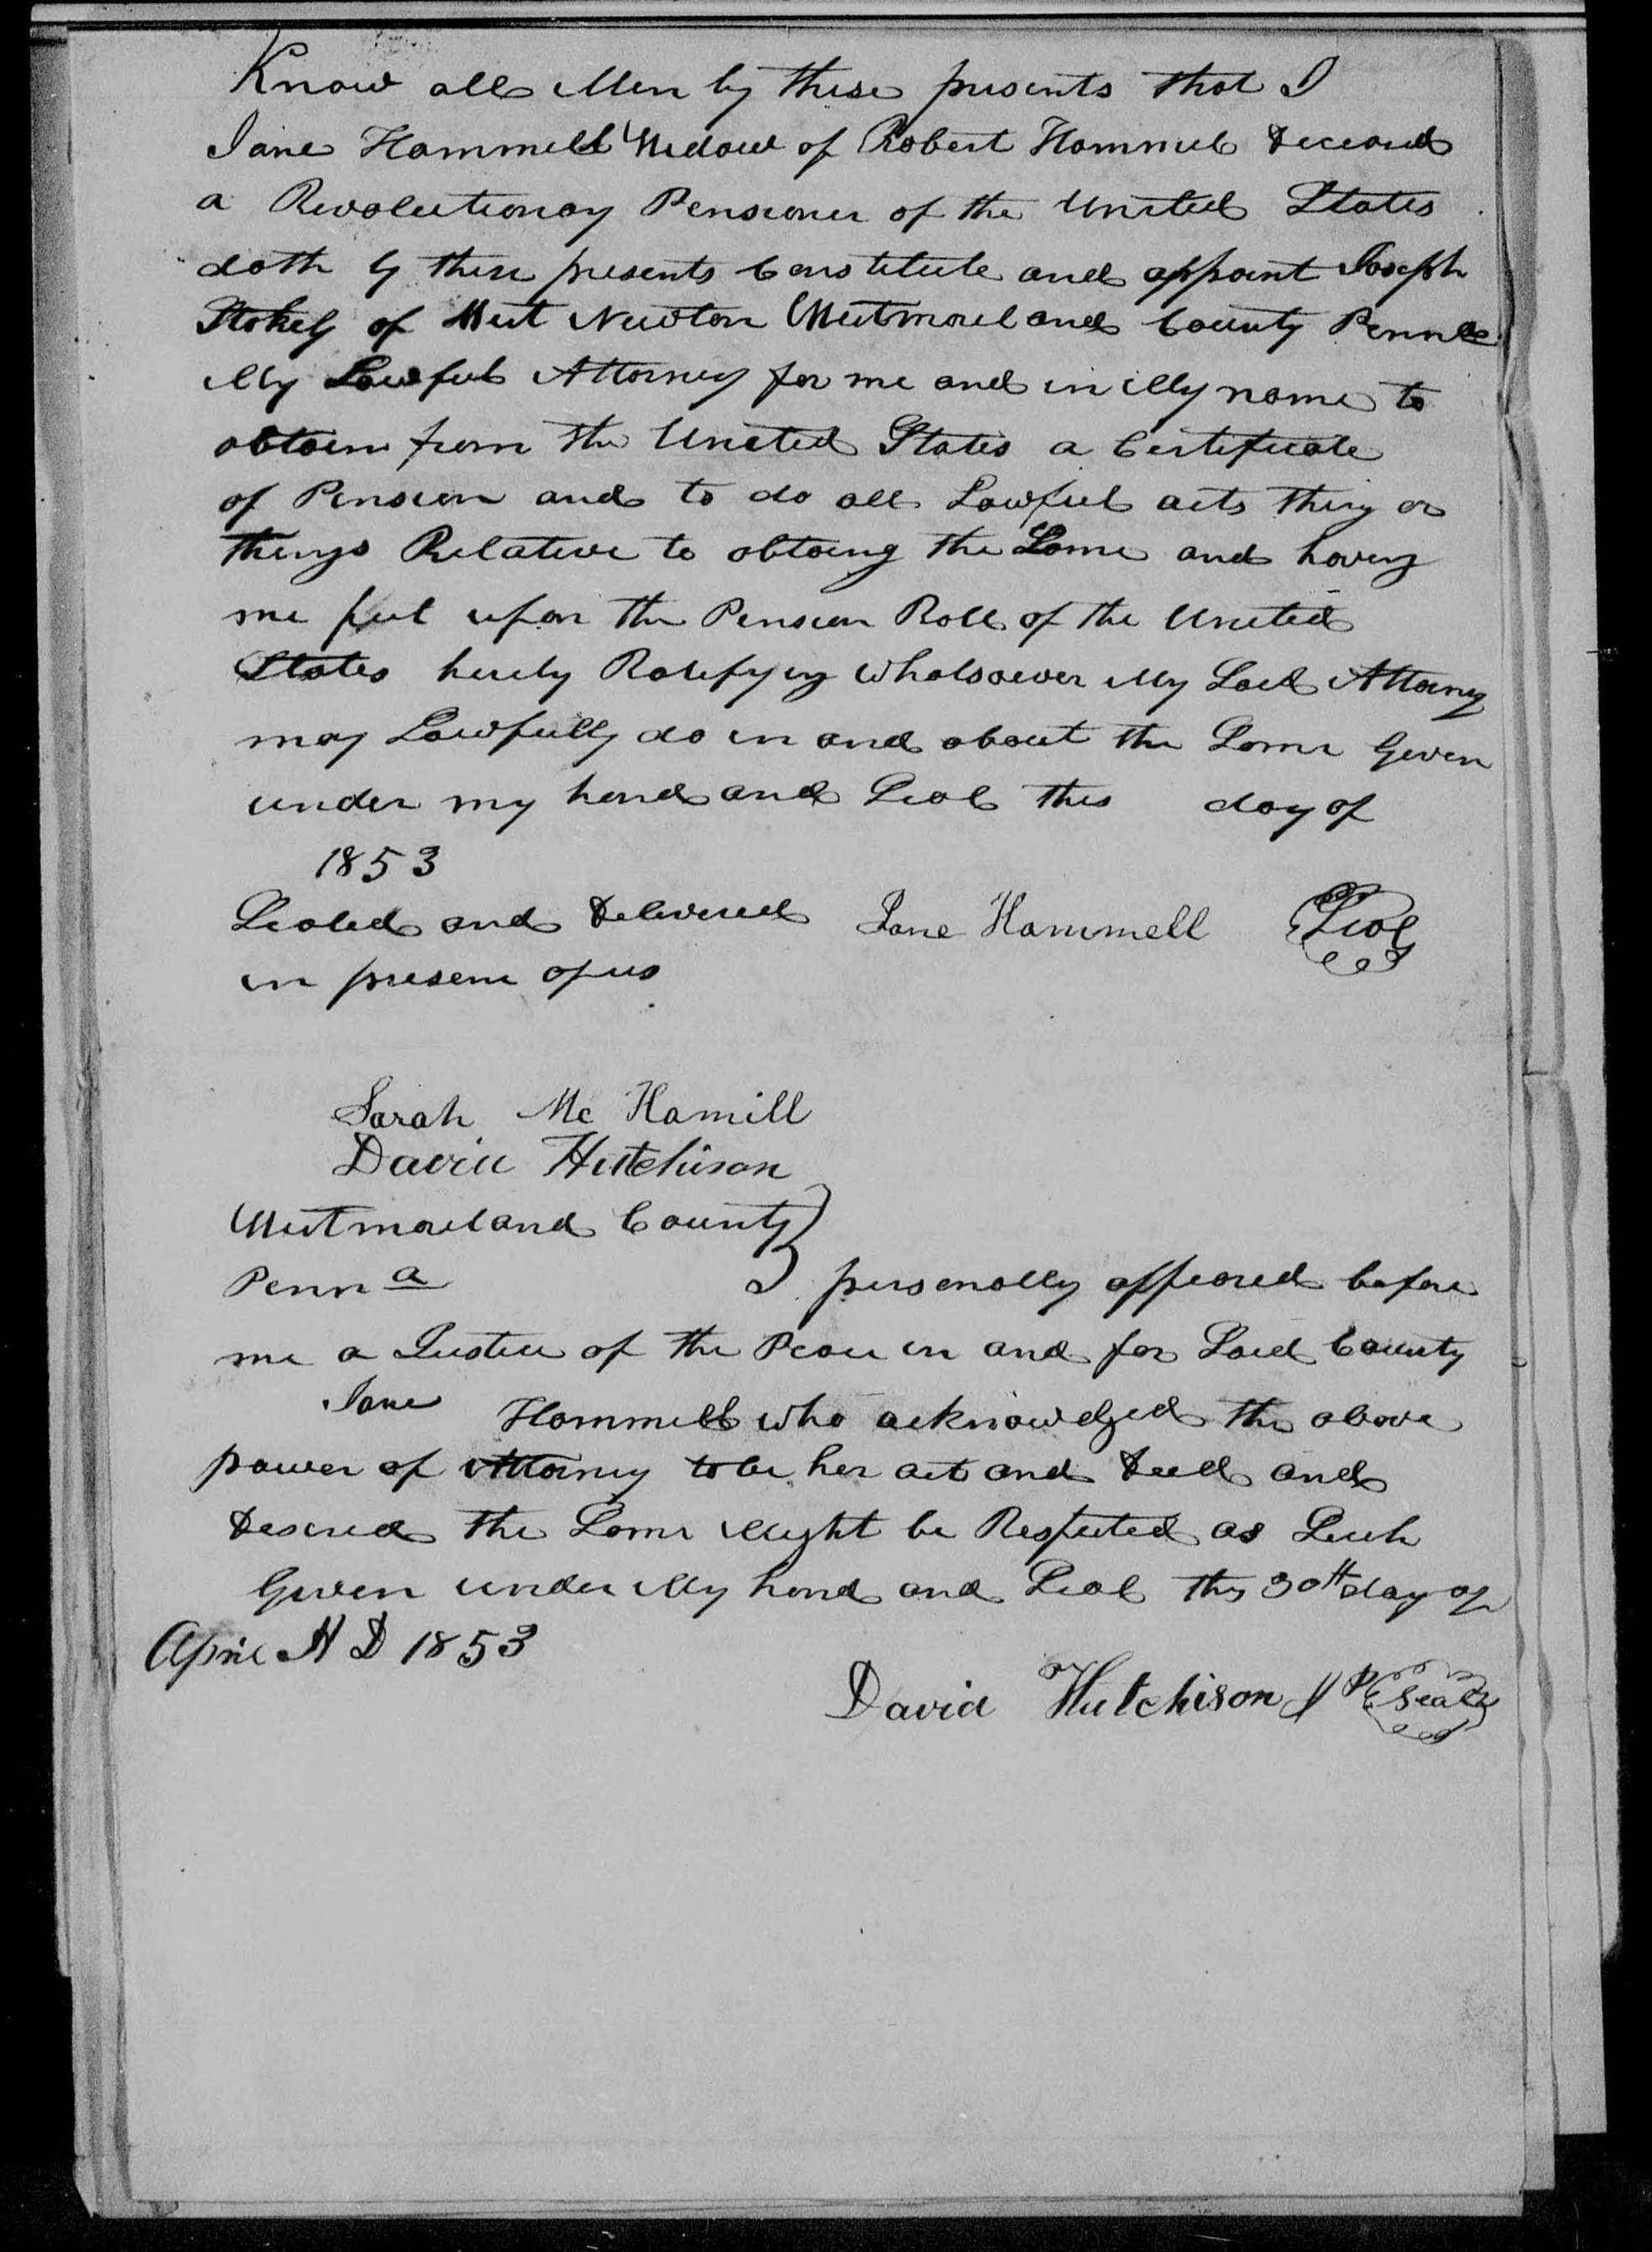Know all then by these presents that I Jane Hammell widow of Robert Hammell _____ a Revolutionary pensioner of the United States doth these presents to constitute and appoint Joseph Stokely of West Newton Westmoreland  County Penna by lawful attorney for me and ____ to obtain from the United States a certificate of pension and to do all lawful acts or things relative things ____ the same ends having me put upon the pension rolls of the United States hereby ____ whatsoever my ____ attorney may lawfully do in and about the ____ given under my hands and ___ this ____ day of 1853

Sealed and delivered in person _____.
Signature:  Jane Hammell

Sarah M. Hamill
David Hutchinson
Westmoreland County Penna

Personally appeared before me a Justice of the Peace in and for said county Jane Hammill who acknowledged the above power of attorney to be her act and ____ and ____ the ____ be respected as such given under my hands and seal this 30th day of April A.D. 1853
David Hutchinson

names: David Hutchison, David Hutchison, Robert Hammel, Jane Hammell, Jane Hammill, Joseph Stokely, Jane Hammell, Sarah Me Hamill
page: 20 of 92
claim: widow's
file: W 1173, Robert Hamill, Penn.